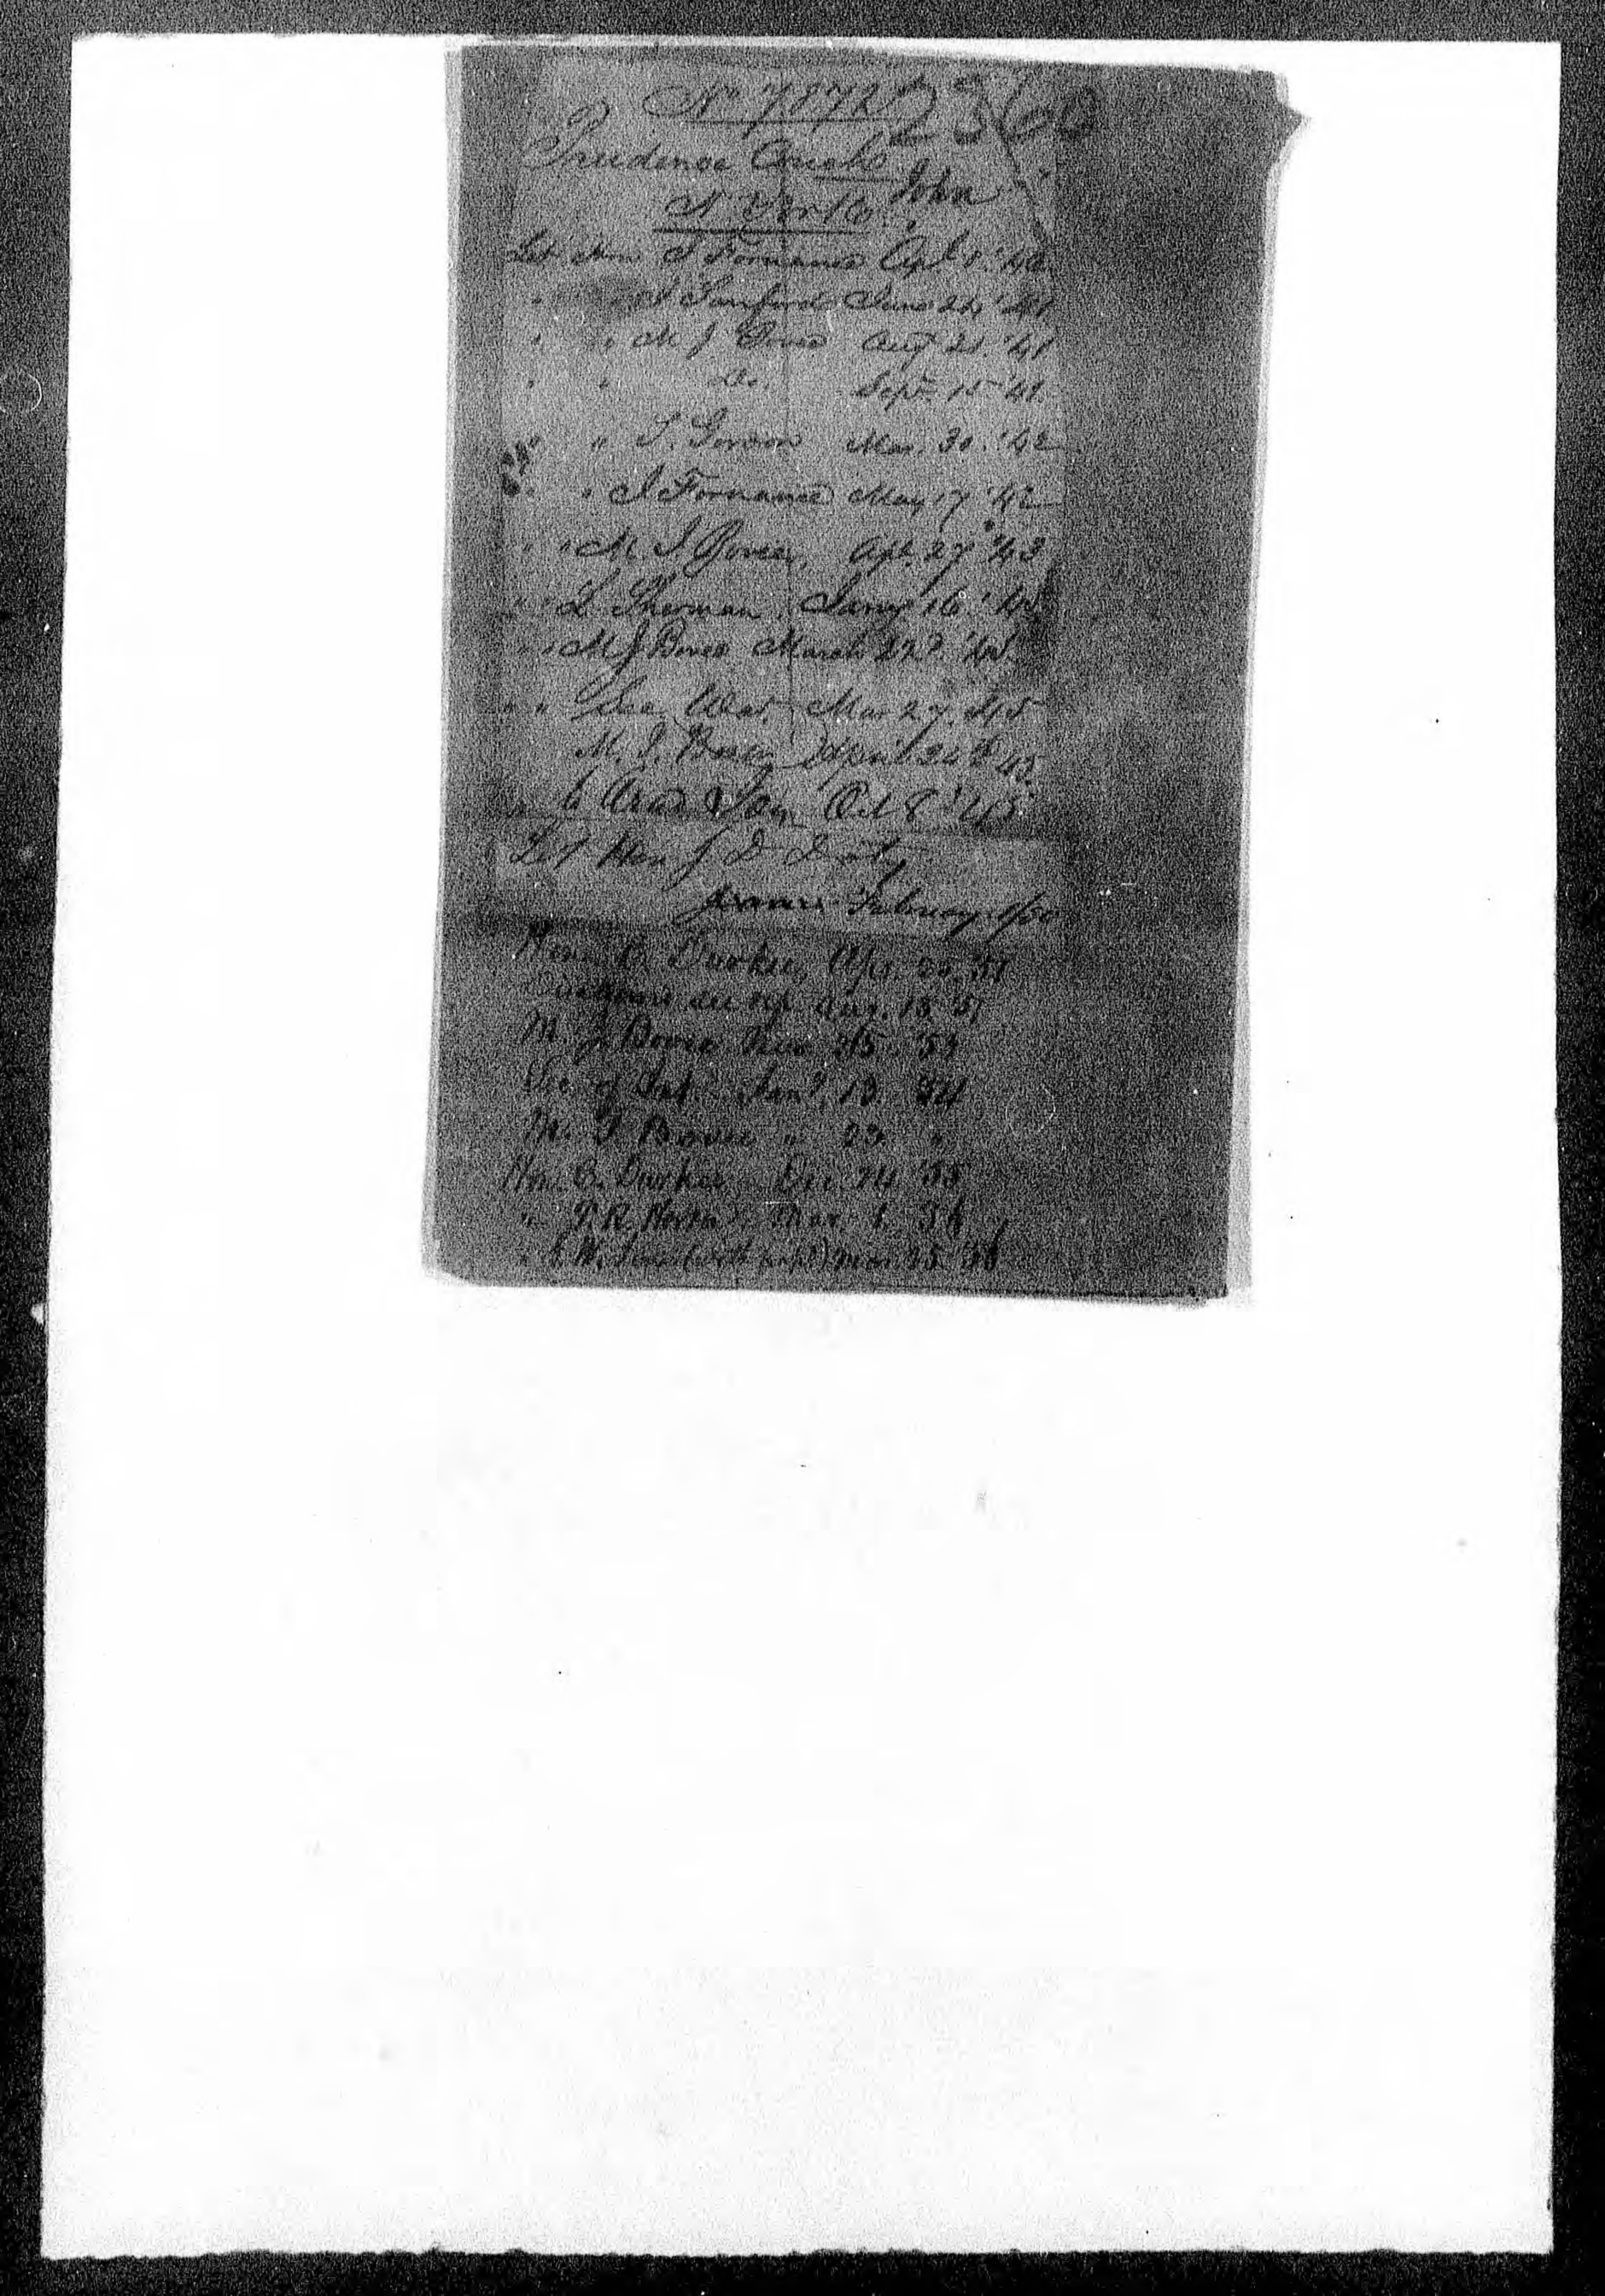No 7872       2360
Prudence Couch
N. York             John 
Let. Hon. J. Fornance Apl 8 '40
" J Sanford June 24 '41
" M J Bovee Augt 21 '41
"   do    Sept 15 '41
" J. Servon   Mar 30 '42
" J Fornance May 17 '43
" M J Bovee   Apl 27 '43
" L Sherman   Jany 16 '45
" M J Bovee  March 27th '45
" Sea [unk] Mar 27 '45
" M L Bovee Apl 27 '45
to Arad Joy Oct 8 '45
Let Hon J D Doty
February 1/50
Hon C Durkee Apr 25 '51
[unk] See  Aug 13 '51
M J Bovee Nov 25 '43
Sec of Int Jany 13 '54
M J Bovee " 23 "
Hon C Durkee Dec 24 '55
" P R Horn Mar 1 '36
" S [unk] Nov 15 '36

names: M J Bovee, M J Bovee, L Sherman, J Sanford, M J Bovee, J Fornance, C Durkee, M J Bovee, J Fornance, Prudence Couch, G W, C Durkee, John H Fork, Arad Joy, T R Horton, M J Bovee, J D Doty, M J Bovee, S Gordon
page: 18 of 68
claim: rejected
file: R. 2,360, John Couch, Conn.